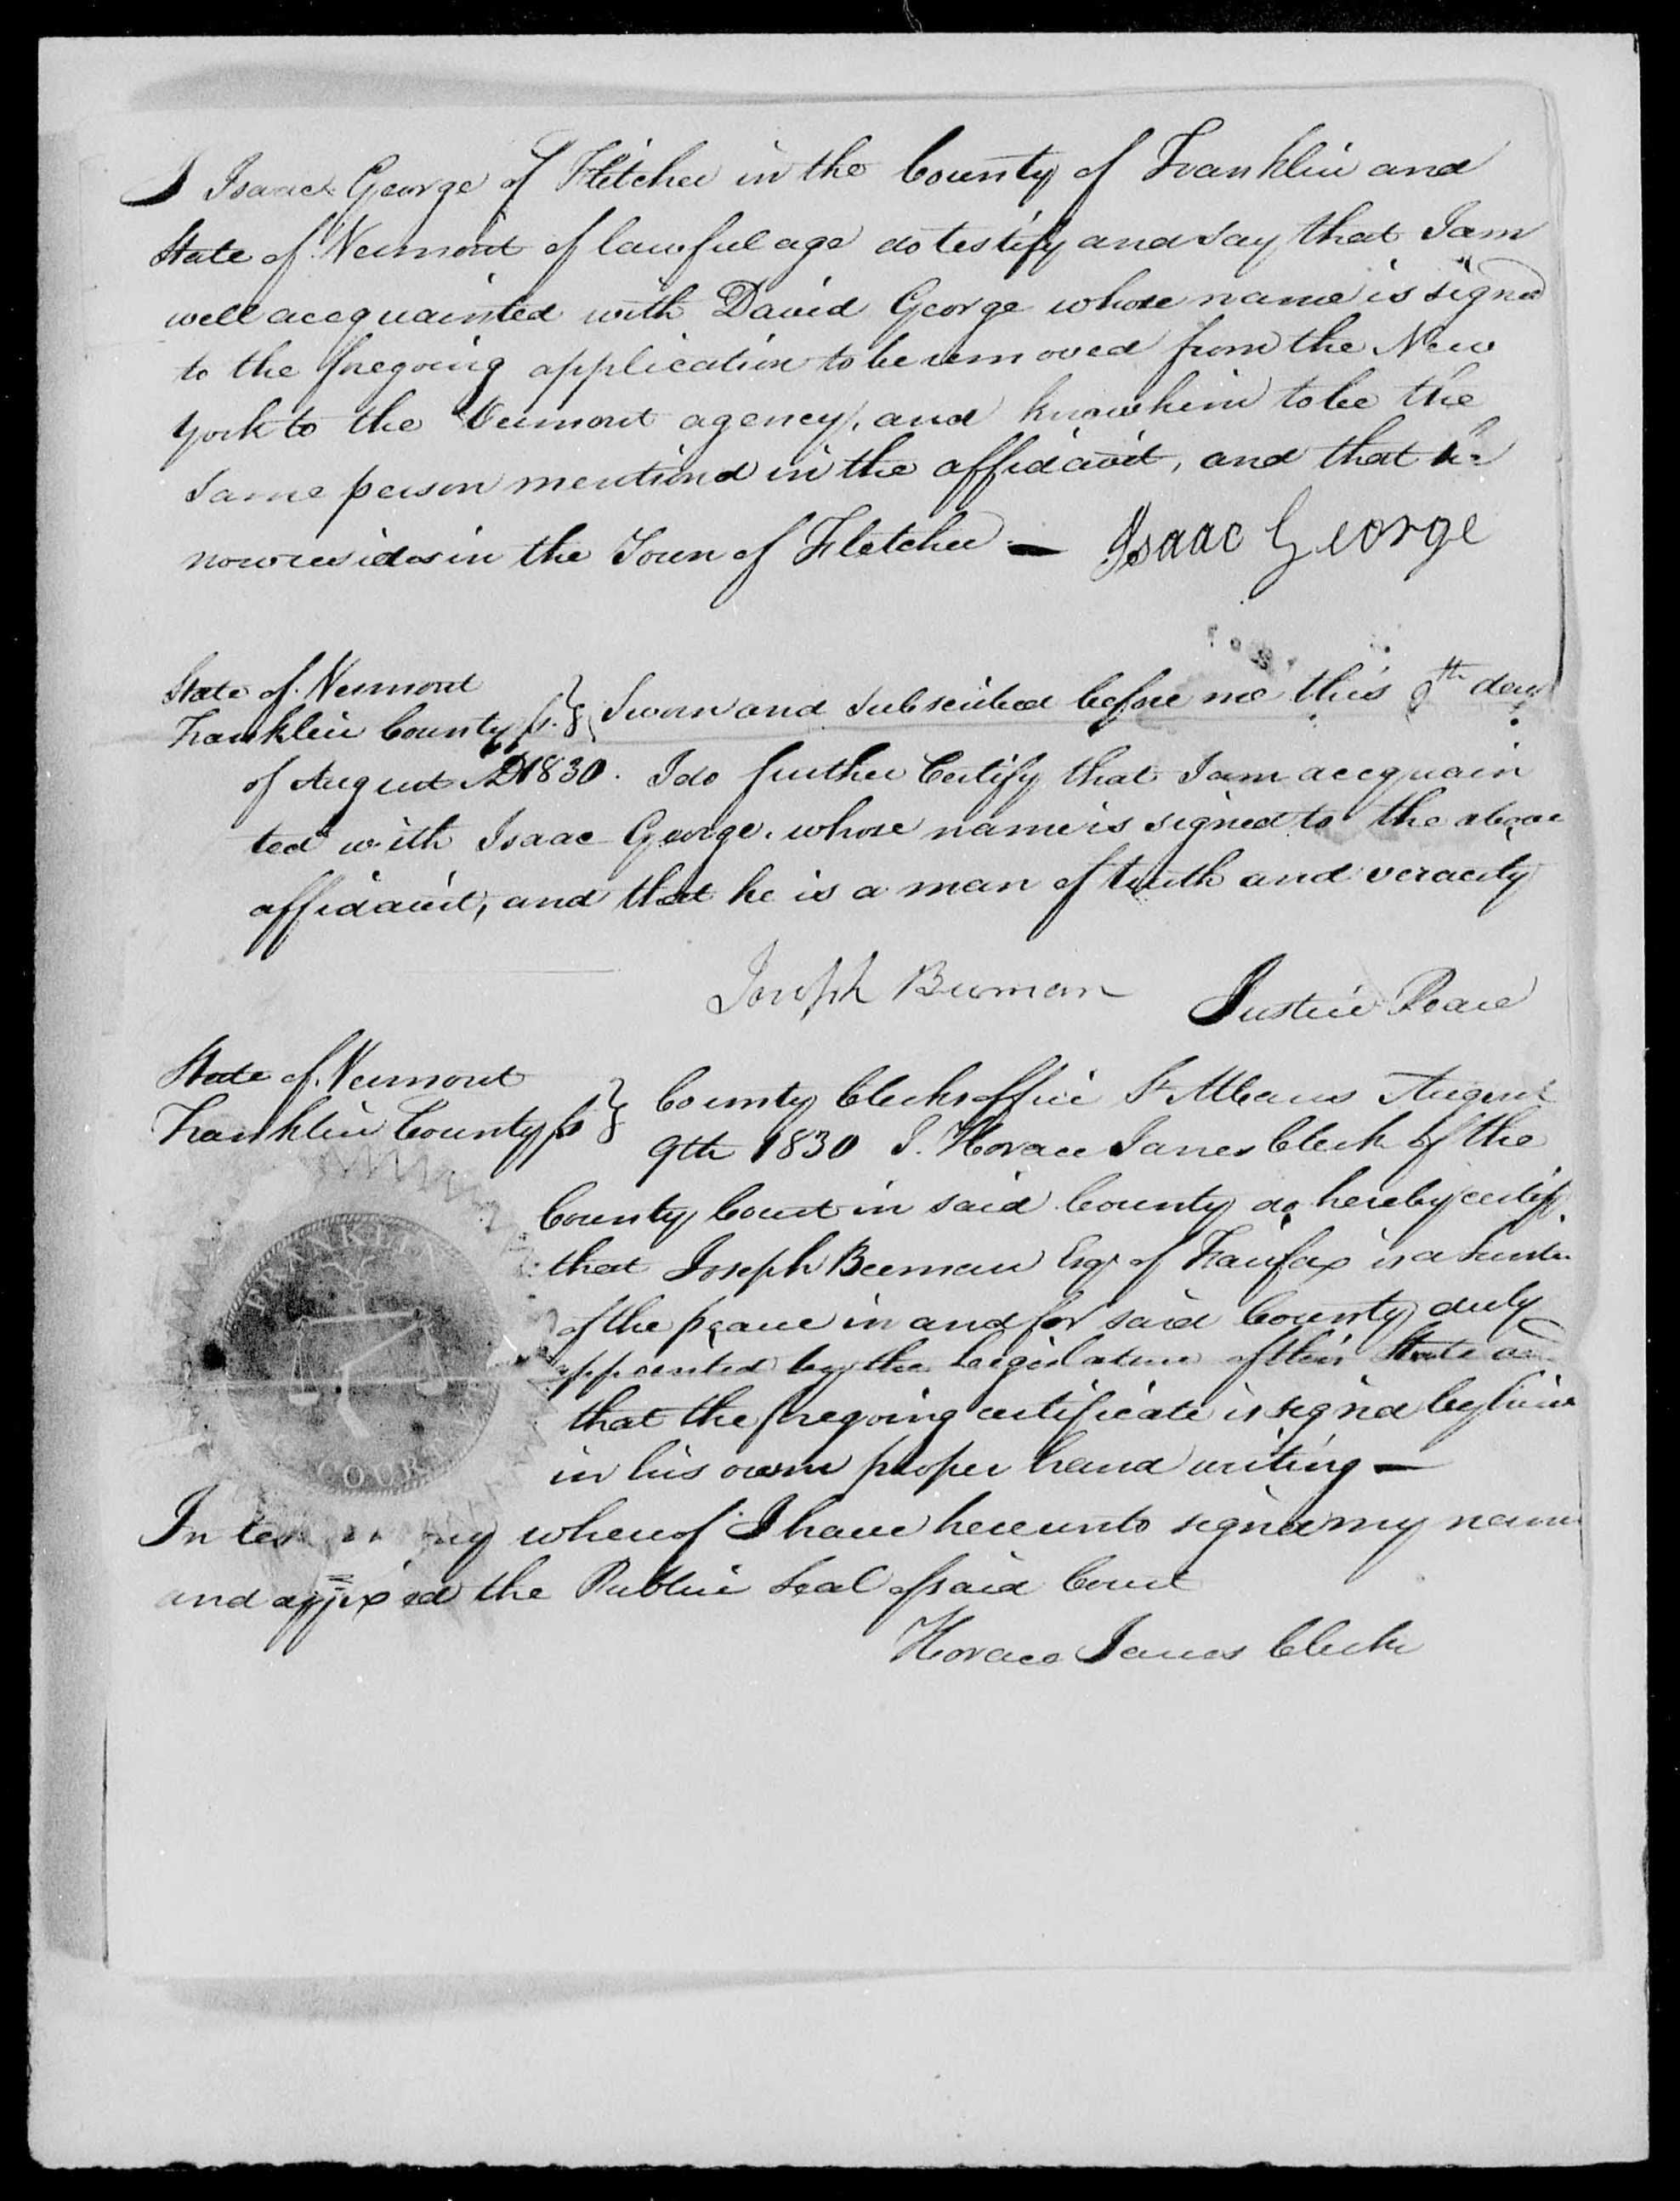I Isaac George of Fletcher in the County of Franklin and State of Vermont and lawful age do testify and say that I am well acquainted with David George whose name is signed to the foregoing application to be removed from the York to the Vermont agency and know him to be the same person named in the affidavit, and that he now resides in the Town of Fletcher 

(signed) Isaac George

State of Vermont
Franklin County ss} Sworn and subscribed before me this 9th day of August AD 1830 
I do further certify that I am acquainted with Isaac George whose name is signed to the above affidavit, and that he is a man of truth and veracity  

(signed) Joseph Beeman Justice (of the) Peace 

State of Vemont
Franklin County ss}
County Clerk's Office, St. Albans August
9th 1830 I Horace James Clerk of the County Court in said County do hereby certify that Joseph Beeman Esq. of Fairfax is a Justice of the Peace in and for the County of Franklin duly appointed by the Legislature of this State and that the foregoing certificate is signed by him and in his own proper hand writing

In testimony whereof I have hereunto Signed my name and affixed the Public Seal of said Court

(signed) Horace James Clerk

(seal affixed)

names: David George, Horace Janes, Isaac George, Joseph Beeman, Isaac George, Horace Janes, Isaac George, Joseph Beeman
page: 4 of 18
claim: survivor's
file: S. 39568, David George, N.H.